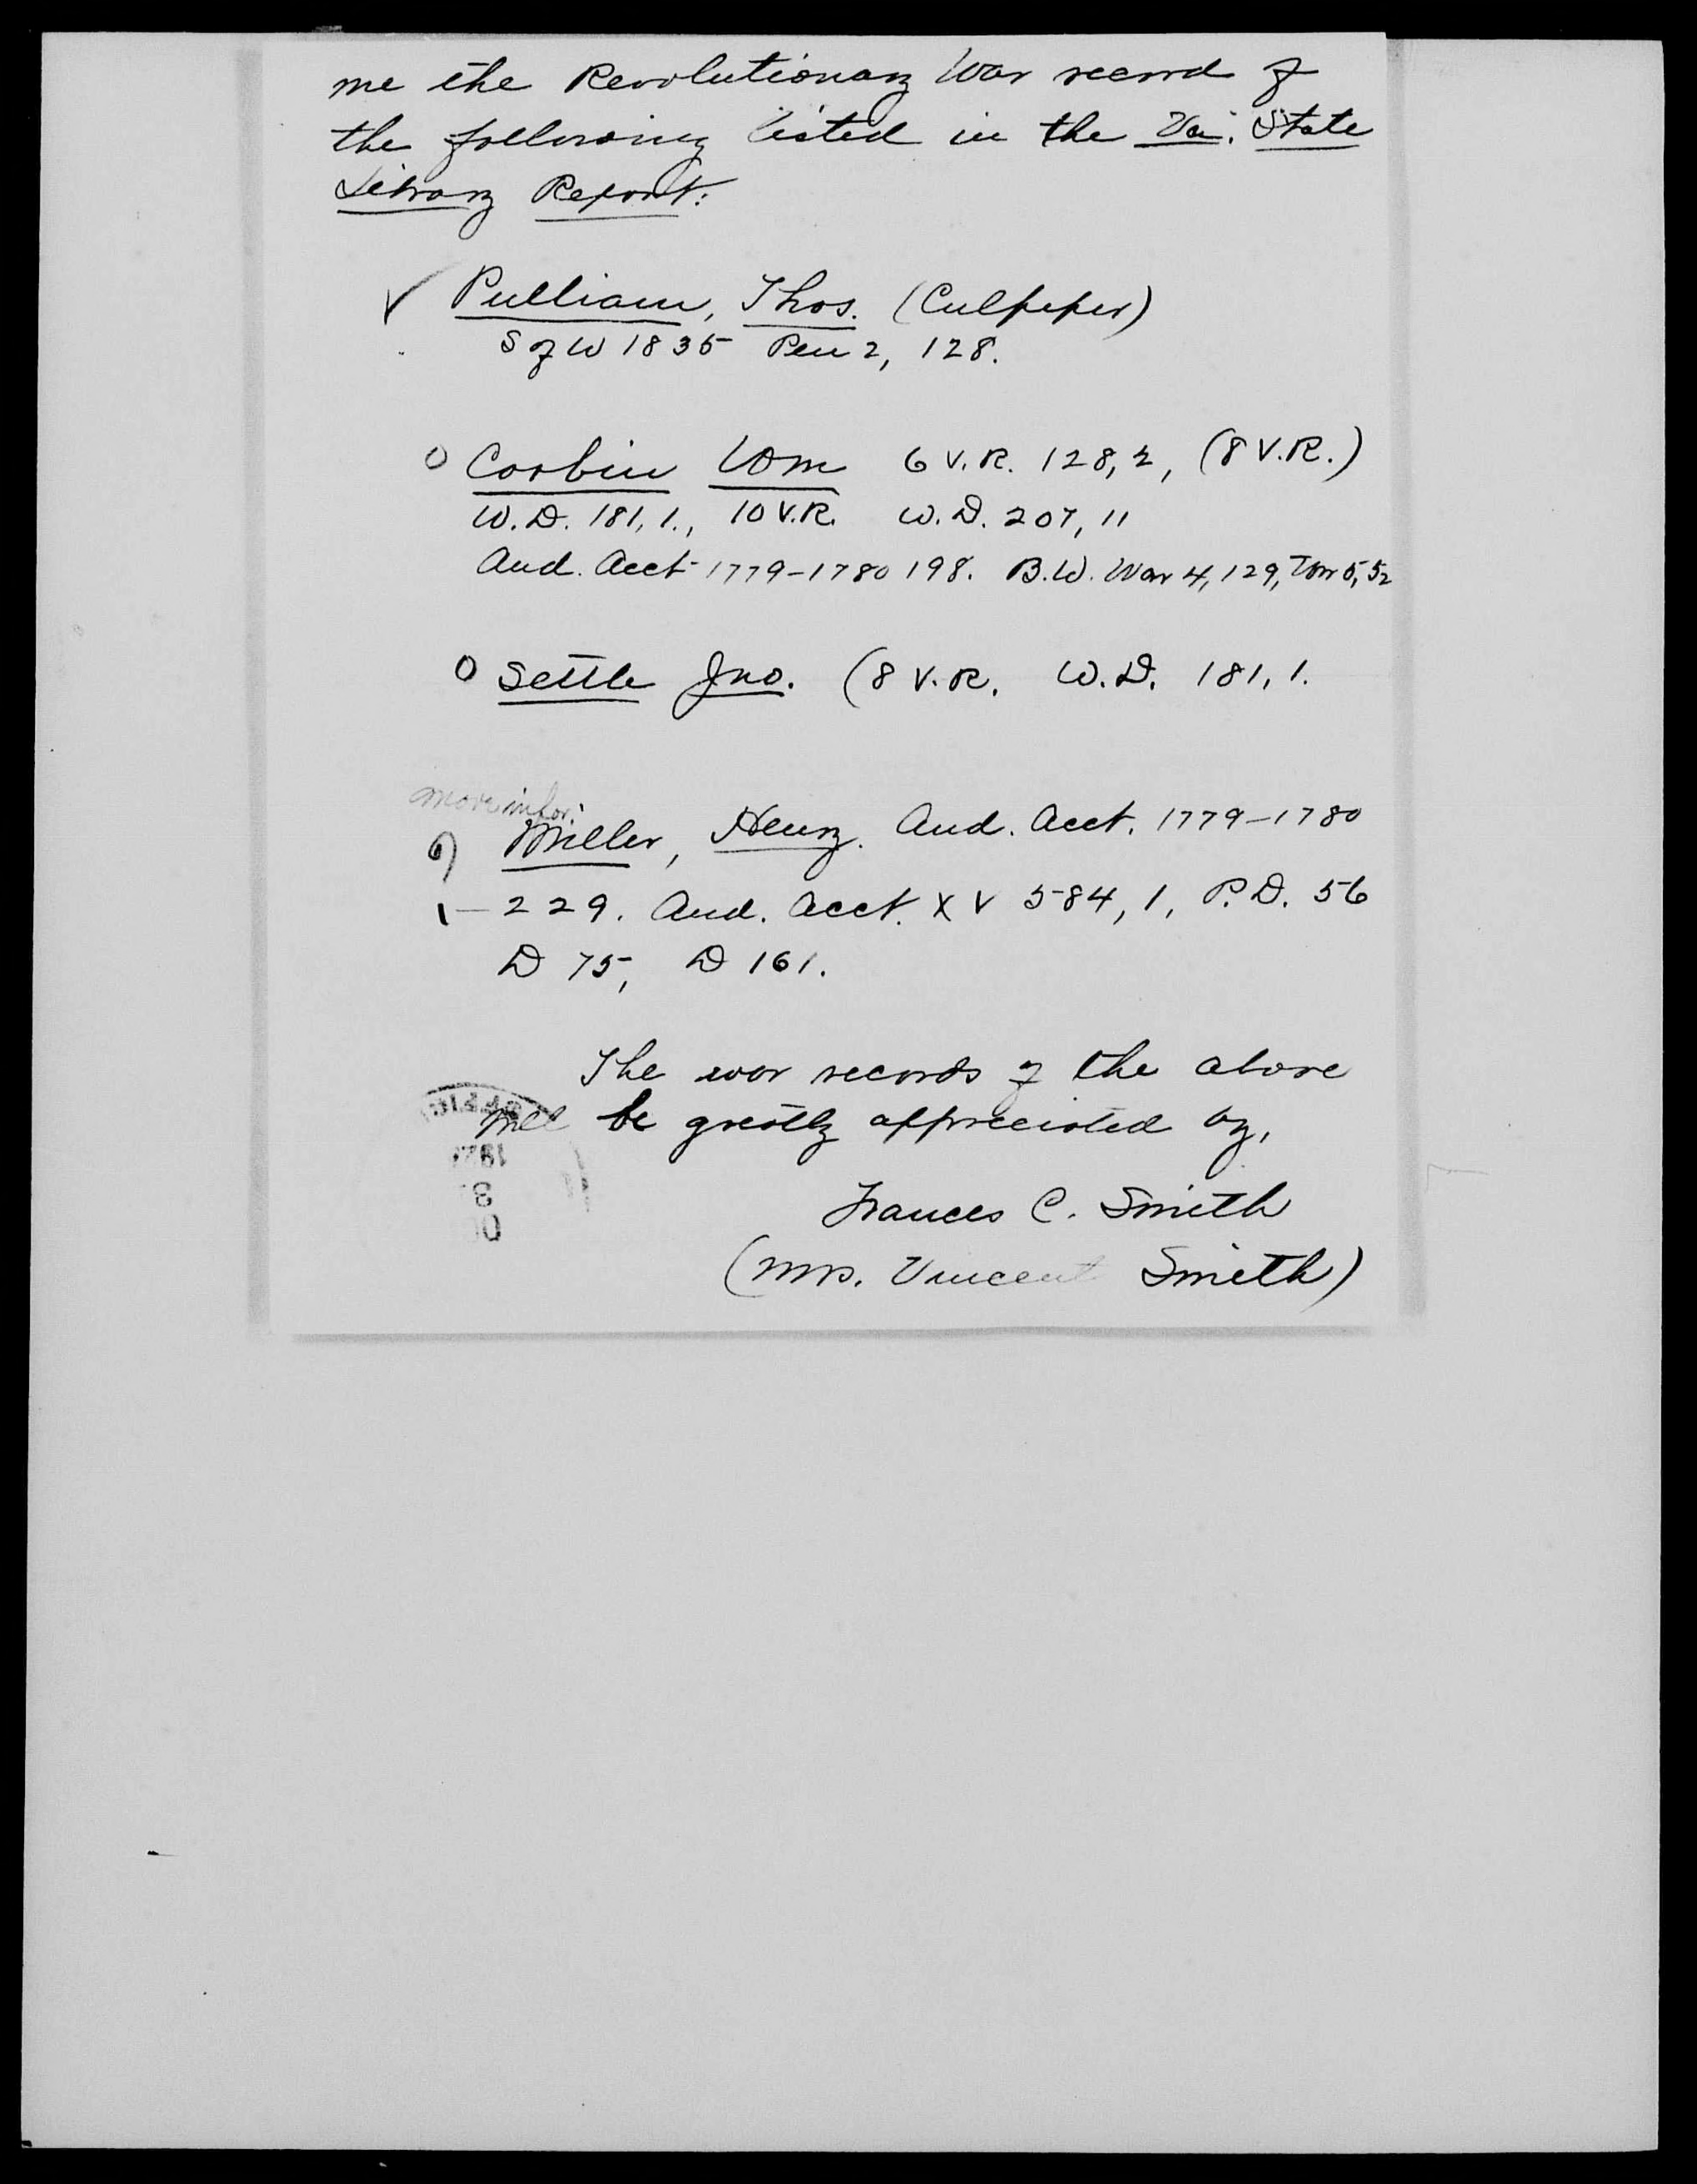me the Revolutionary War record of
the following listed in the Va State
Library Report

Pulliam, Thos (Culpeper )
S of W 1835 Pen 2, 128

Corbin Wm 6 V. R. 128, 2, (8 V.R.)
W.D. 181, 1., 10 V. R. W.D. 207, 11
And Acct 1779-1780 198. B.W. War 4 129, [illegible] 5, 52

Settle Jno. (8 V.R. W.D. 181, 1.

Miller Henry Aud Acct. 1779-1780
229, Aud Acct X V 584, 1, P.D. 56
D 75, D 161.

The war records of the above
be greatly appreciated by
Frances C. Smith
(Mrs. Vincent Smith)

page: 27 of 27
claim: survivor's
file: S. 5,955, for Thomas Pulliam, Virginia